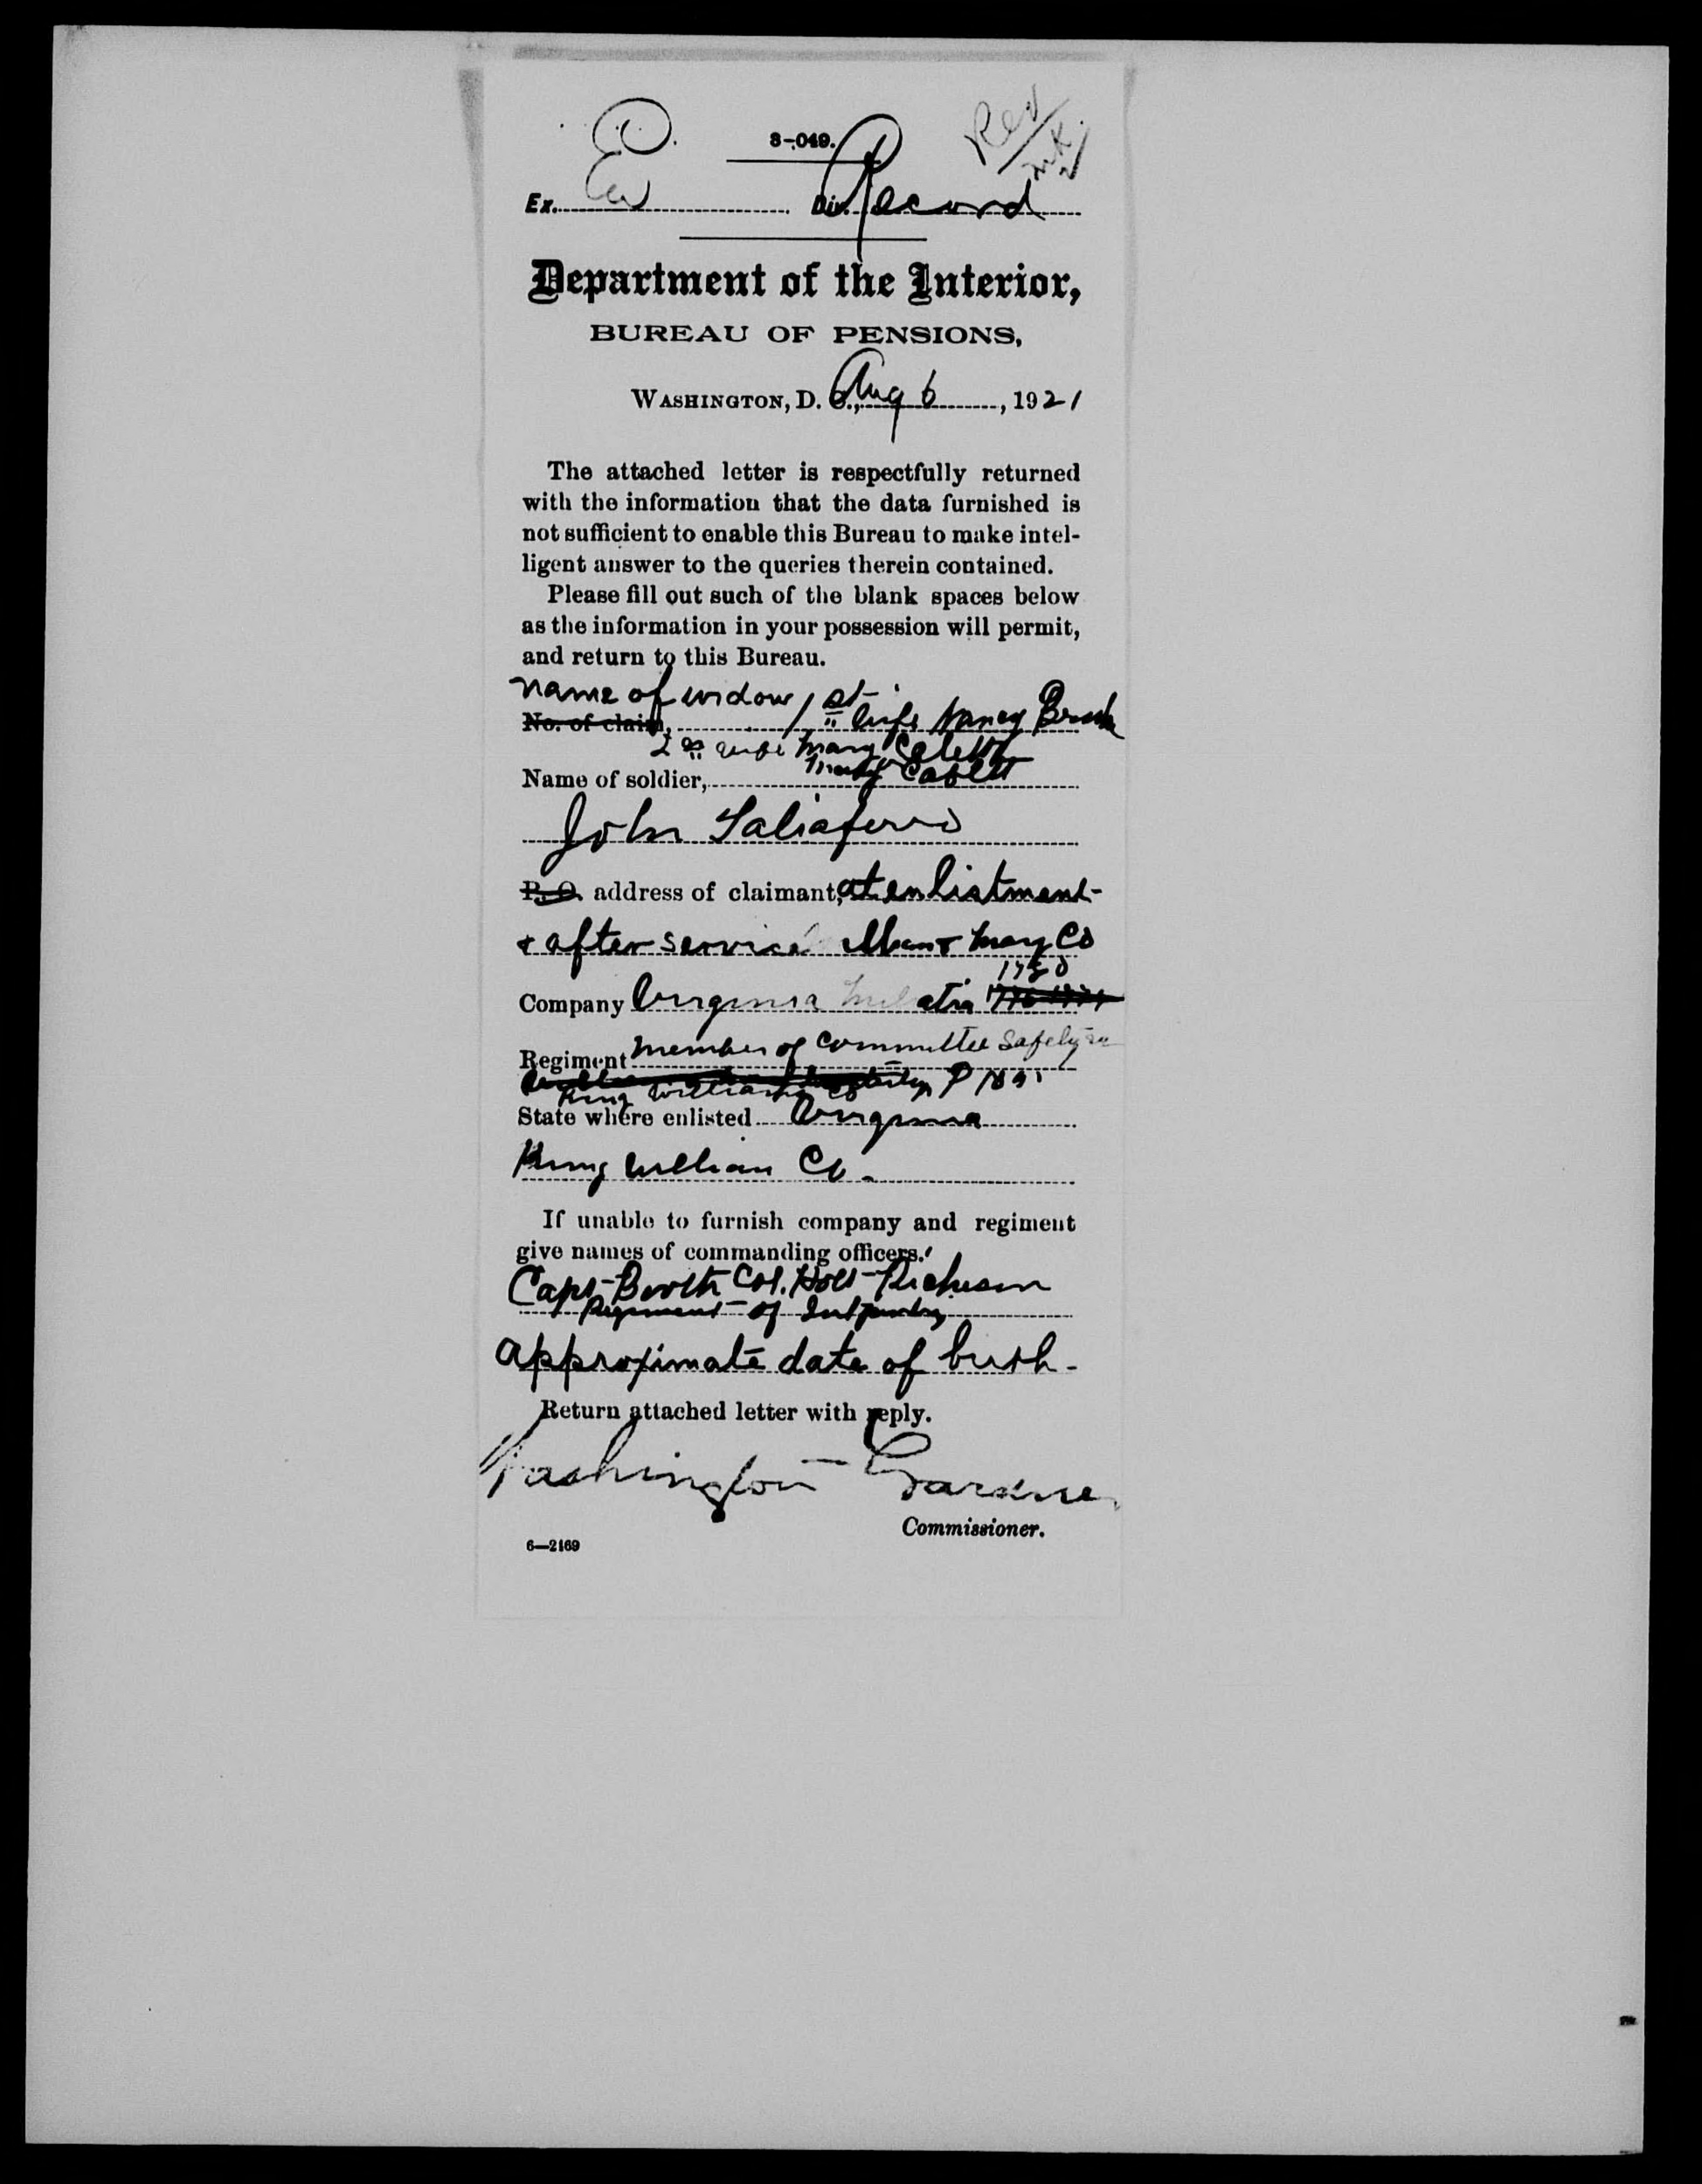3-049 Rev M.K.
Ex. Ew Div Record
Department of the Interior
Bureau of Pensions
Washington, D.C., Aug 6, 1921
The attached letter is respectfully returned with the information that the data furnished is not sufficient to enable this Bureau to make intelligent answer to the queries therein contained. 
Please fill out such of the blank spaces below as the information in your possession will permit, and return to this Bureau. 
Name of widow 1st wife Nancy Brooke
2nd wife Mary Catlett
[next line possibly:] Nancy Catlett
Name of soldier, John Taliaferro
address of claimant at enlistment & after service, Wm & Mary Co
Company, Virginia Militia 1780
Regiment, member of committee safety
King William Co P1831 [?]

State where enlisted, Virginia. King William Co. 
If unable to furnish company and regiment gives names of commanding officers. 
Capt Booth Col Holt - Richeson. Regiment of Infantry
approximate date of birth
Return attached letter with reply
Washington Gardner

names: Mary Calett; John Taliaferro; Nancy Brock; [BLANK] Booth; Washington Gardner; Mary Calett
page: 33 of 34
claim: survivor's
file: S. 19483, for John Taliaferro, Virginia